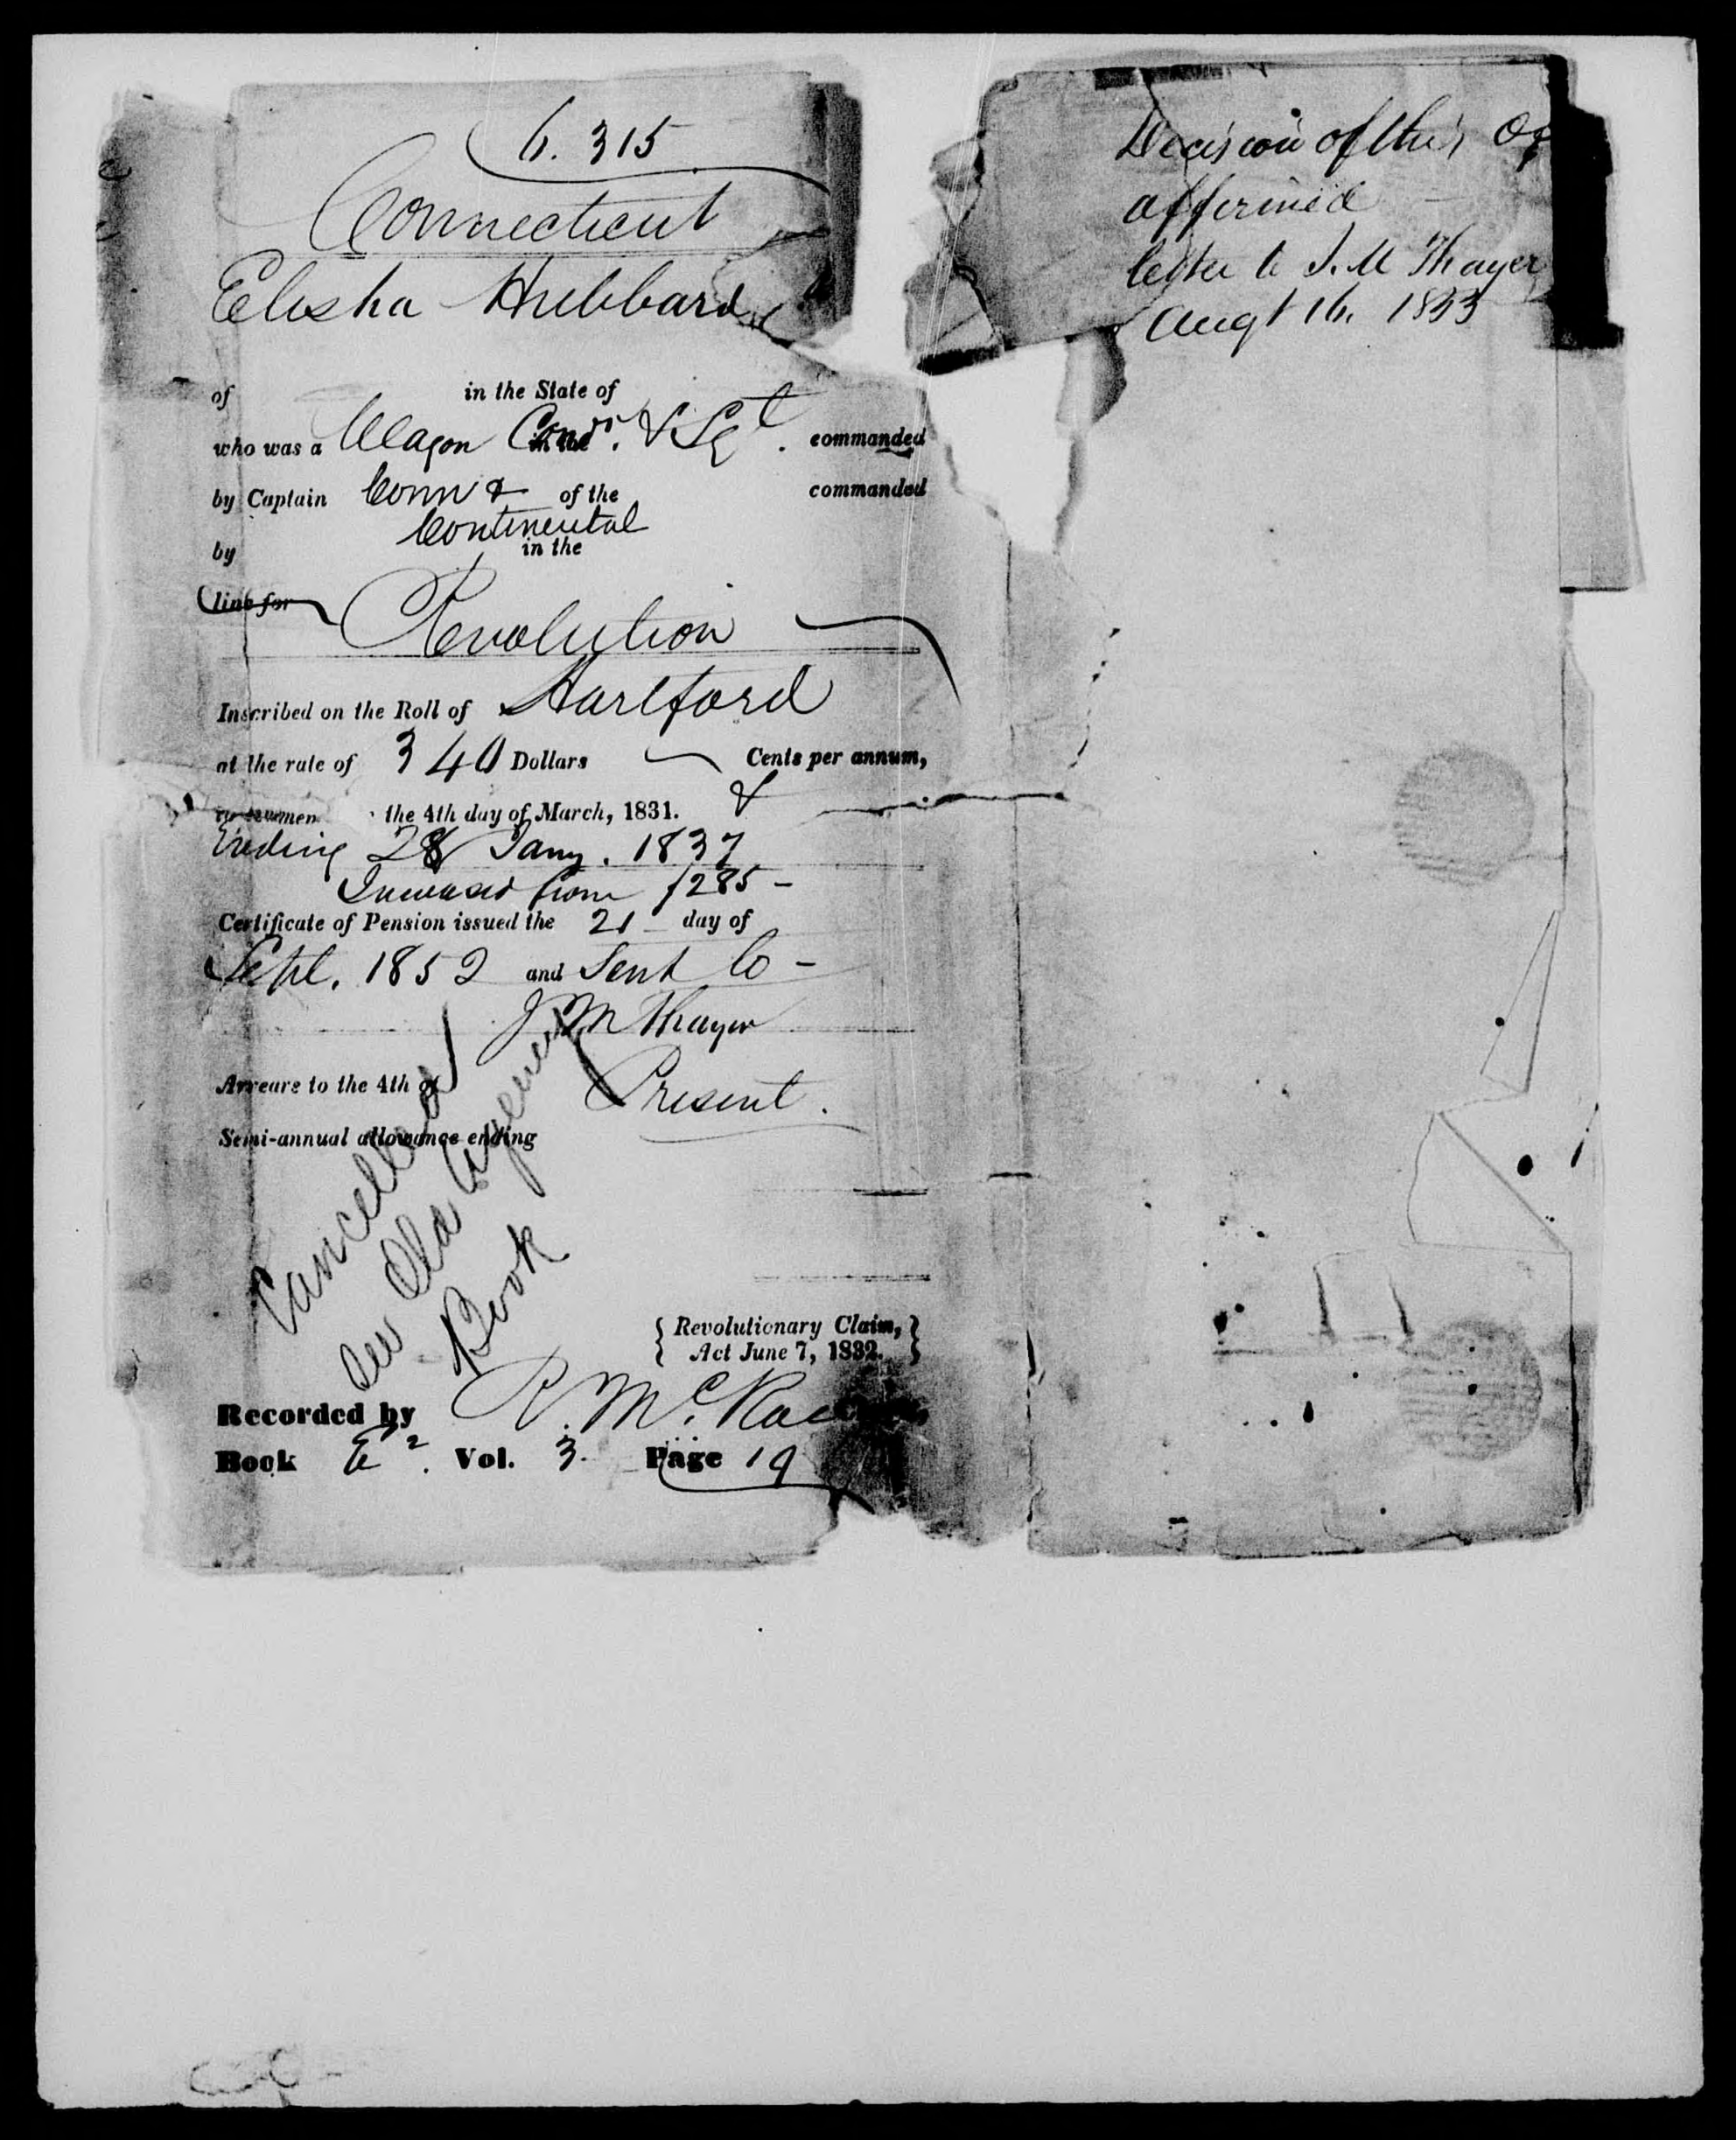6.315
Connecticut
Elisha Hubbard

of     in the State of       who was a Wagon Comdr. & Sgt. commanded by Captain Conn & Continental of the     commanded by      in the   Revolution 

Insribed on the Roll of Hartford at the rate of $40 Dollars   ---Cents per annum,   (??) the 4th day of March, 1831. 
 Ending  28 Jany. 1837   (?) from $285 - 

Certificate of Pension issued the 21 day of Sept. 1852 and Sent to  JM Thayer

Arrears to the 4th of     Present.
Semi-annual allowance ending

Cancelled (?) Old Agency Book

{Revolutionary Claim, }
{ Act June 7, 1832}

Recorded by R Mc Rae
Book E Vol. 3    Page 19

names: J M Thayer, R Mc Rae, Elisha Hubbard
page: 15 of 63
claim: survivor's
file: S. 18457, Elisha Hubbard, Conn. Continental